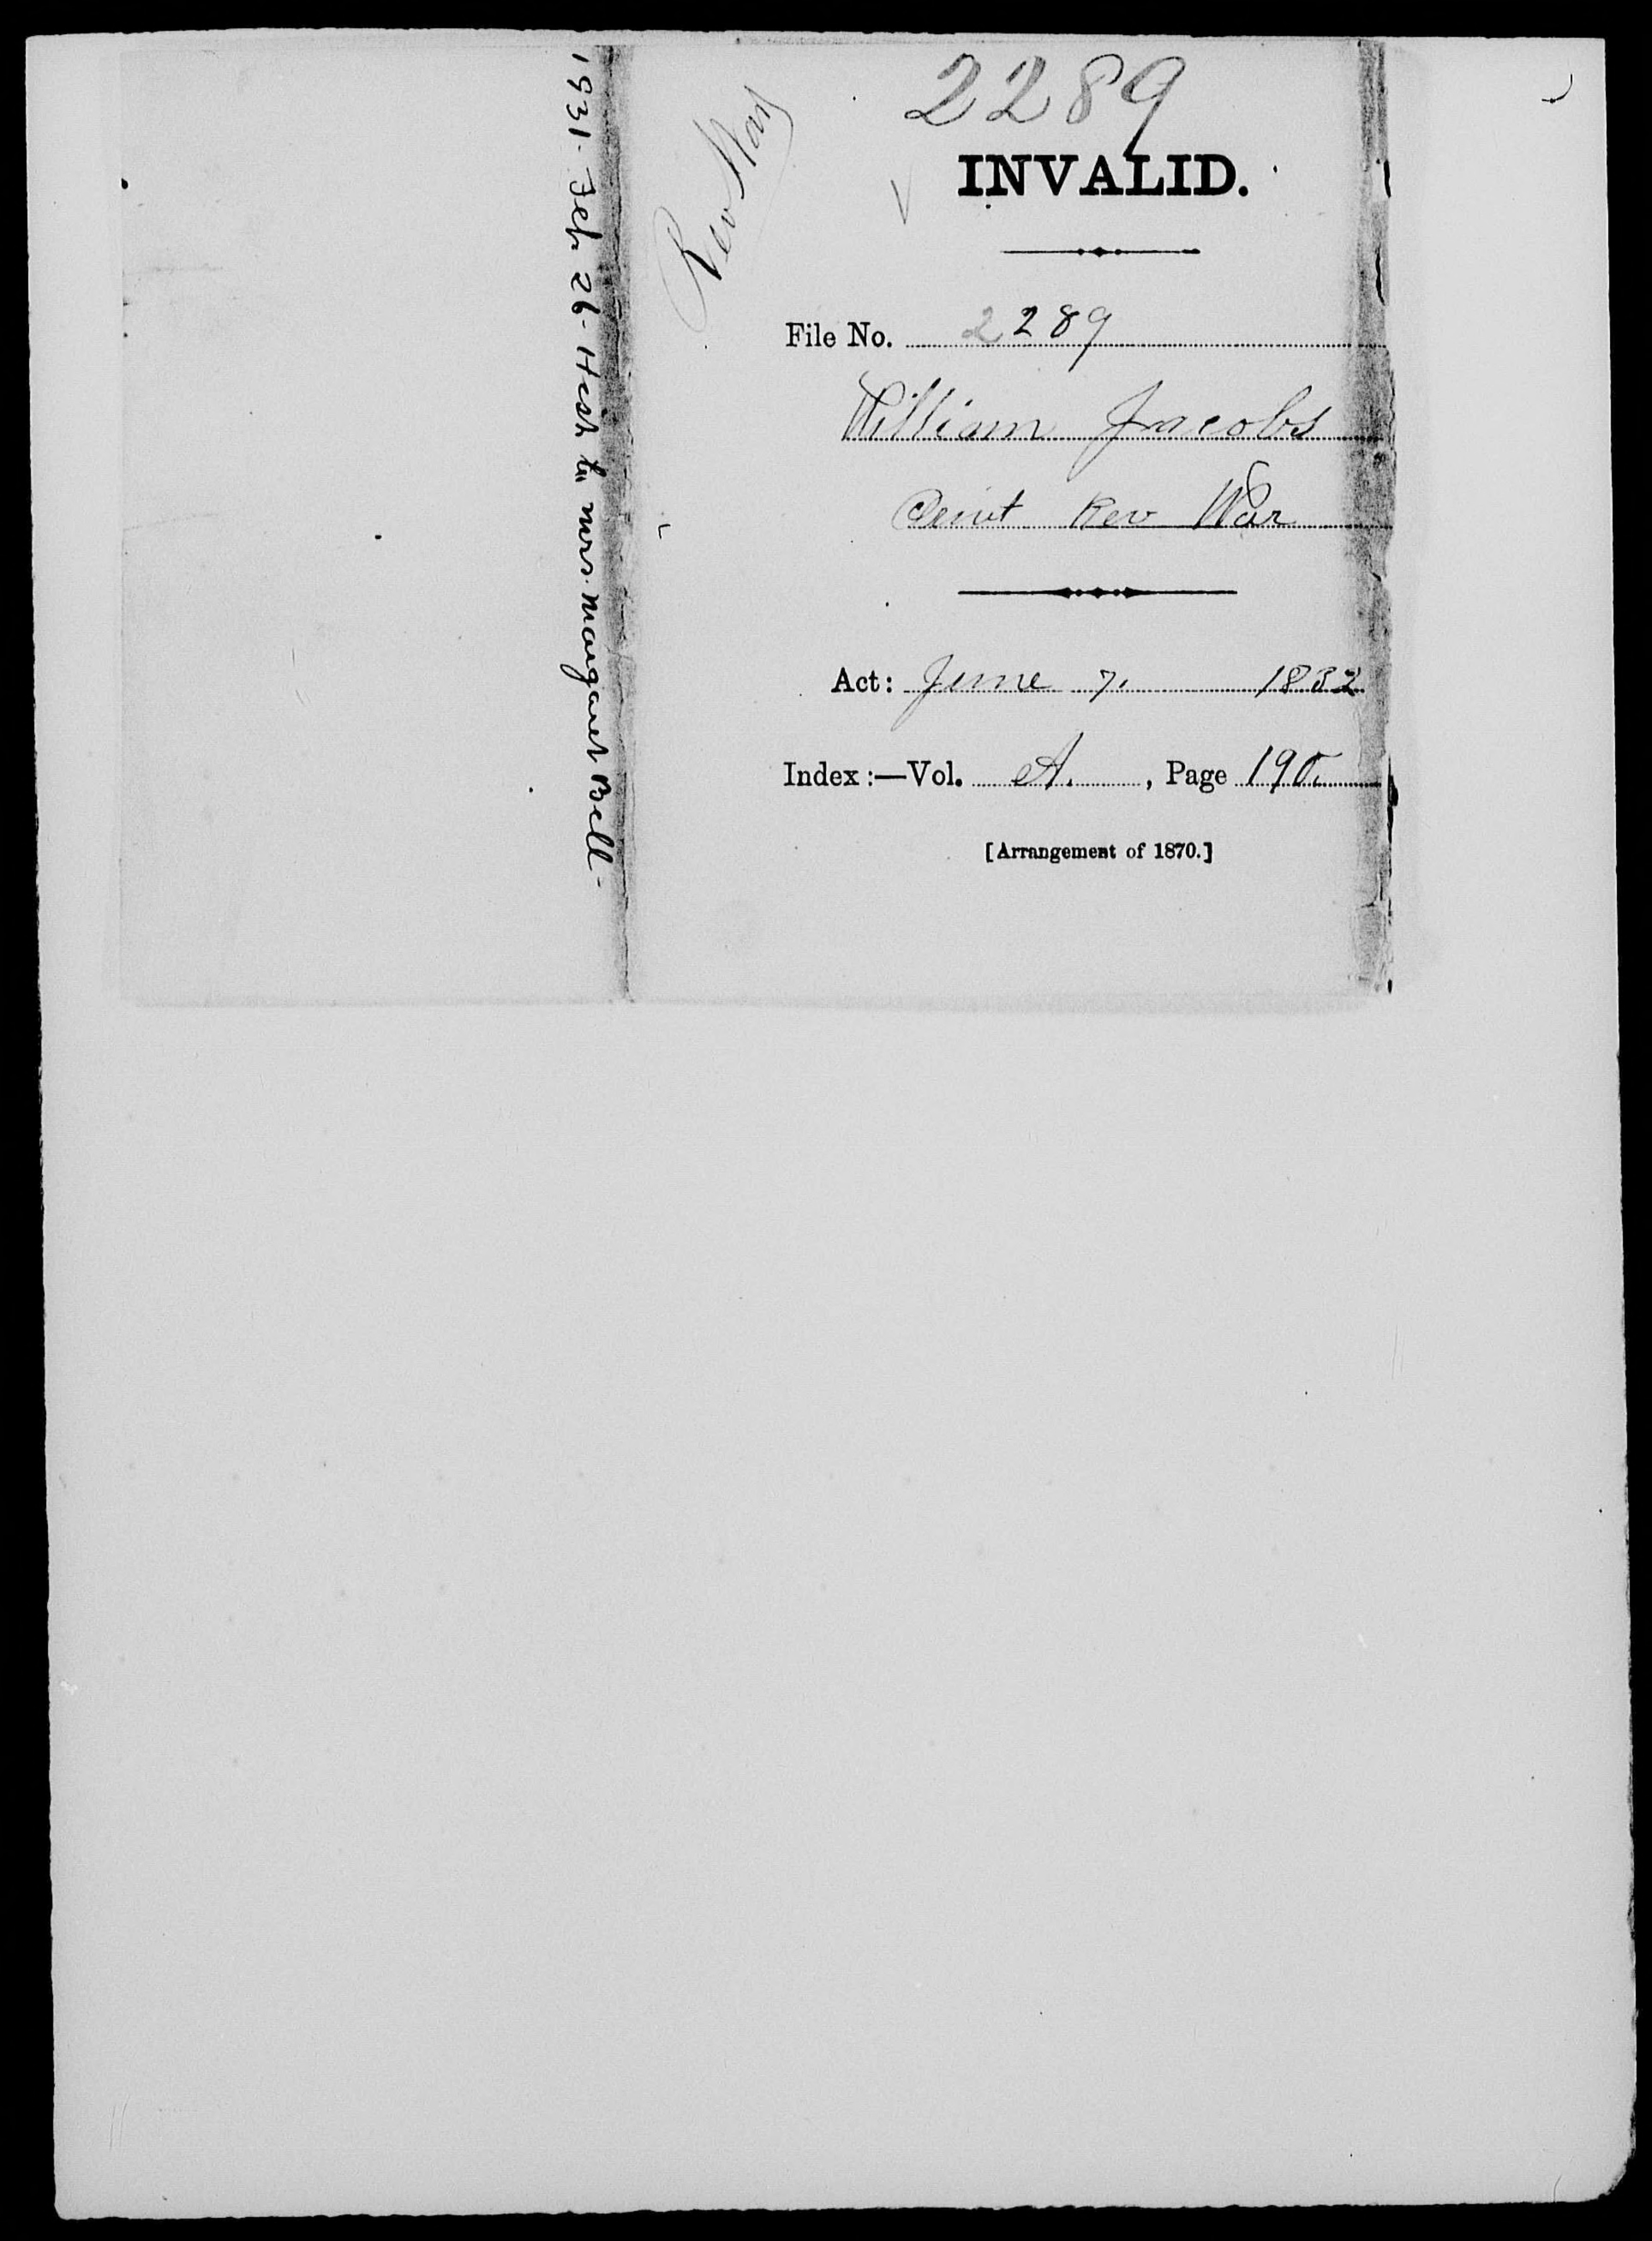Rev War
2289 
INVALID. 
File No. 2289 
William Jacobs 
Privt Rev War 
Act: June 7. 1832 
Index: -- Vol. A, Page 190 
[Arrangement of 1870.]

[Note] 1931 Feb 26 Hist to Mrs. Margaret Bell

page: 15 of 23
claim: survivor's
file: S. 2289, for William Jacobs, Maryland